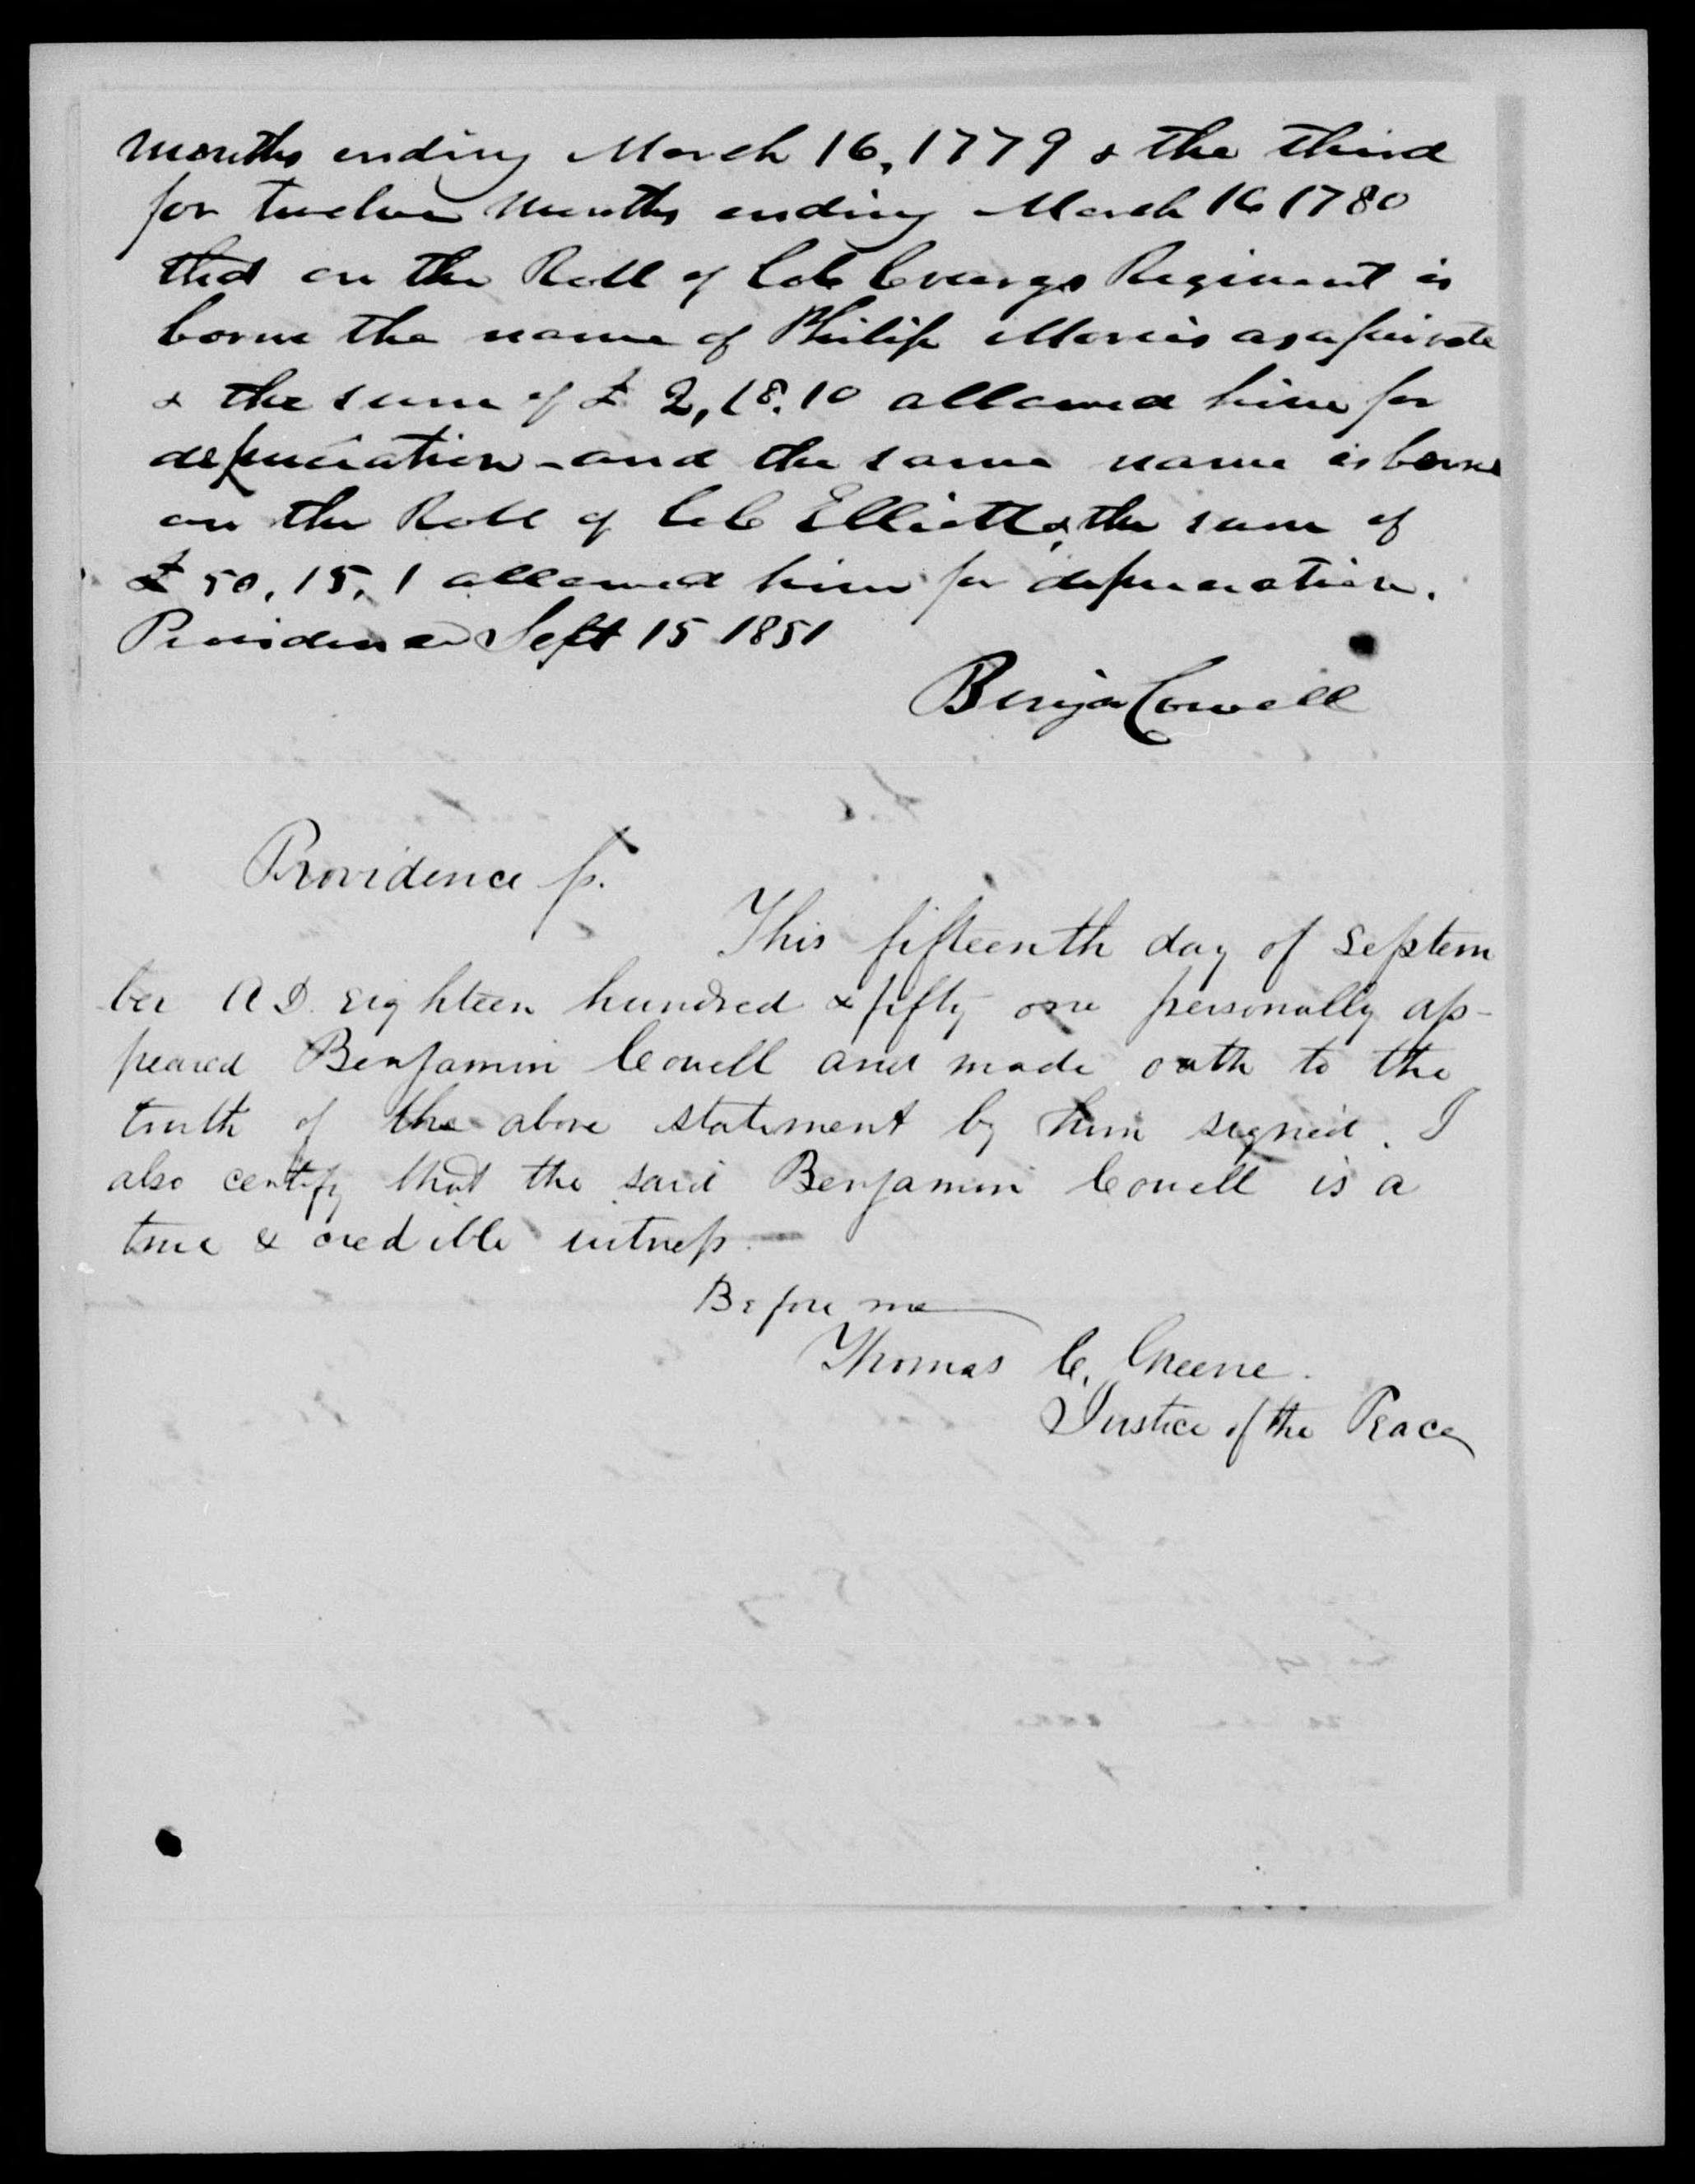months ending March 16, 1779 & the third for twelve months ending March 16, 1780 that on the Roll of Col Olney's Regiment is borne the name of Philip Morris as a private & the same of L 2 18.10 allowed him for association and the same name is borne on the Roll of Col Elliott & the same of L 50.15 .1 allowed him for declaration.
Providence Sept 15, 1851
Benjamin Cowell

Providence 
This fifteenth day of September A.D. eighteen hundred & fifty one personally appeared Benjamin Cowell and made oath to the truth of the above statement by him signed. I also certify that the said Benjamin Cowell is a true & credible witness.
Before me,
Thomas C. Greene 
Justice of the Peace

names: Benjamin Cowell; Philip Morris; [BLANK] Elliott; Thomas C Greene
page: 27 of 44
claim: survivor's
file: S. 28,815, for Philip Morris, Rhode Island